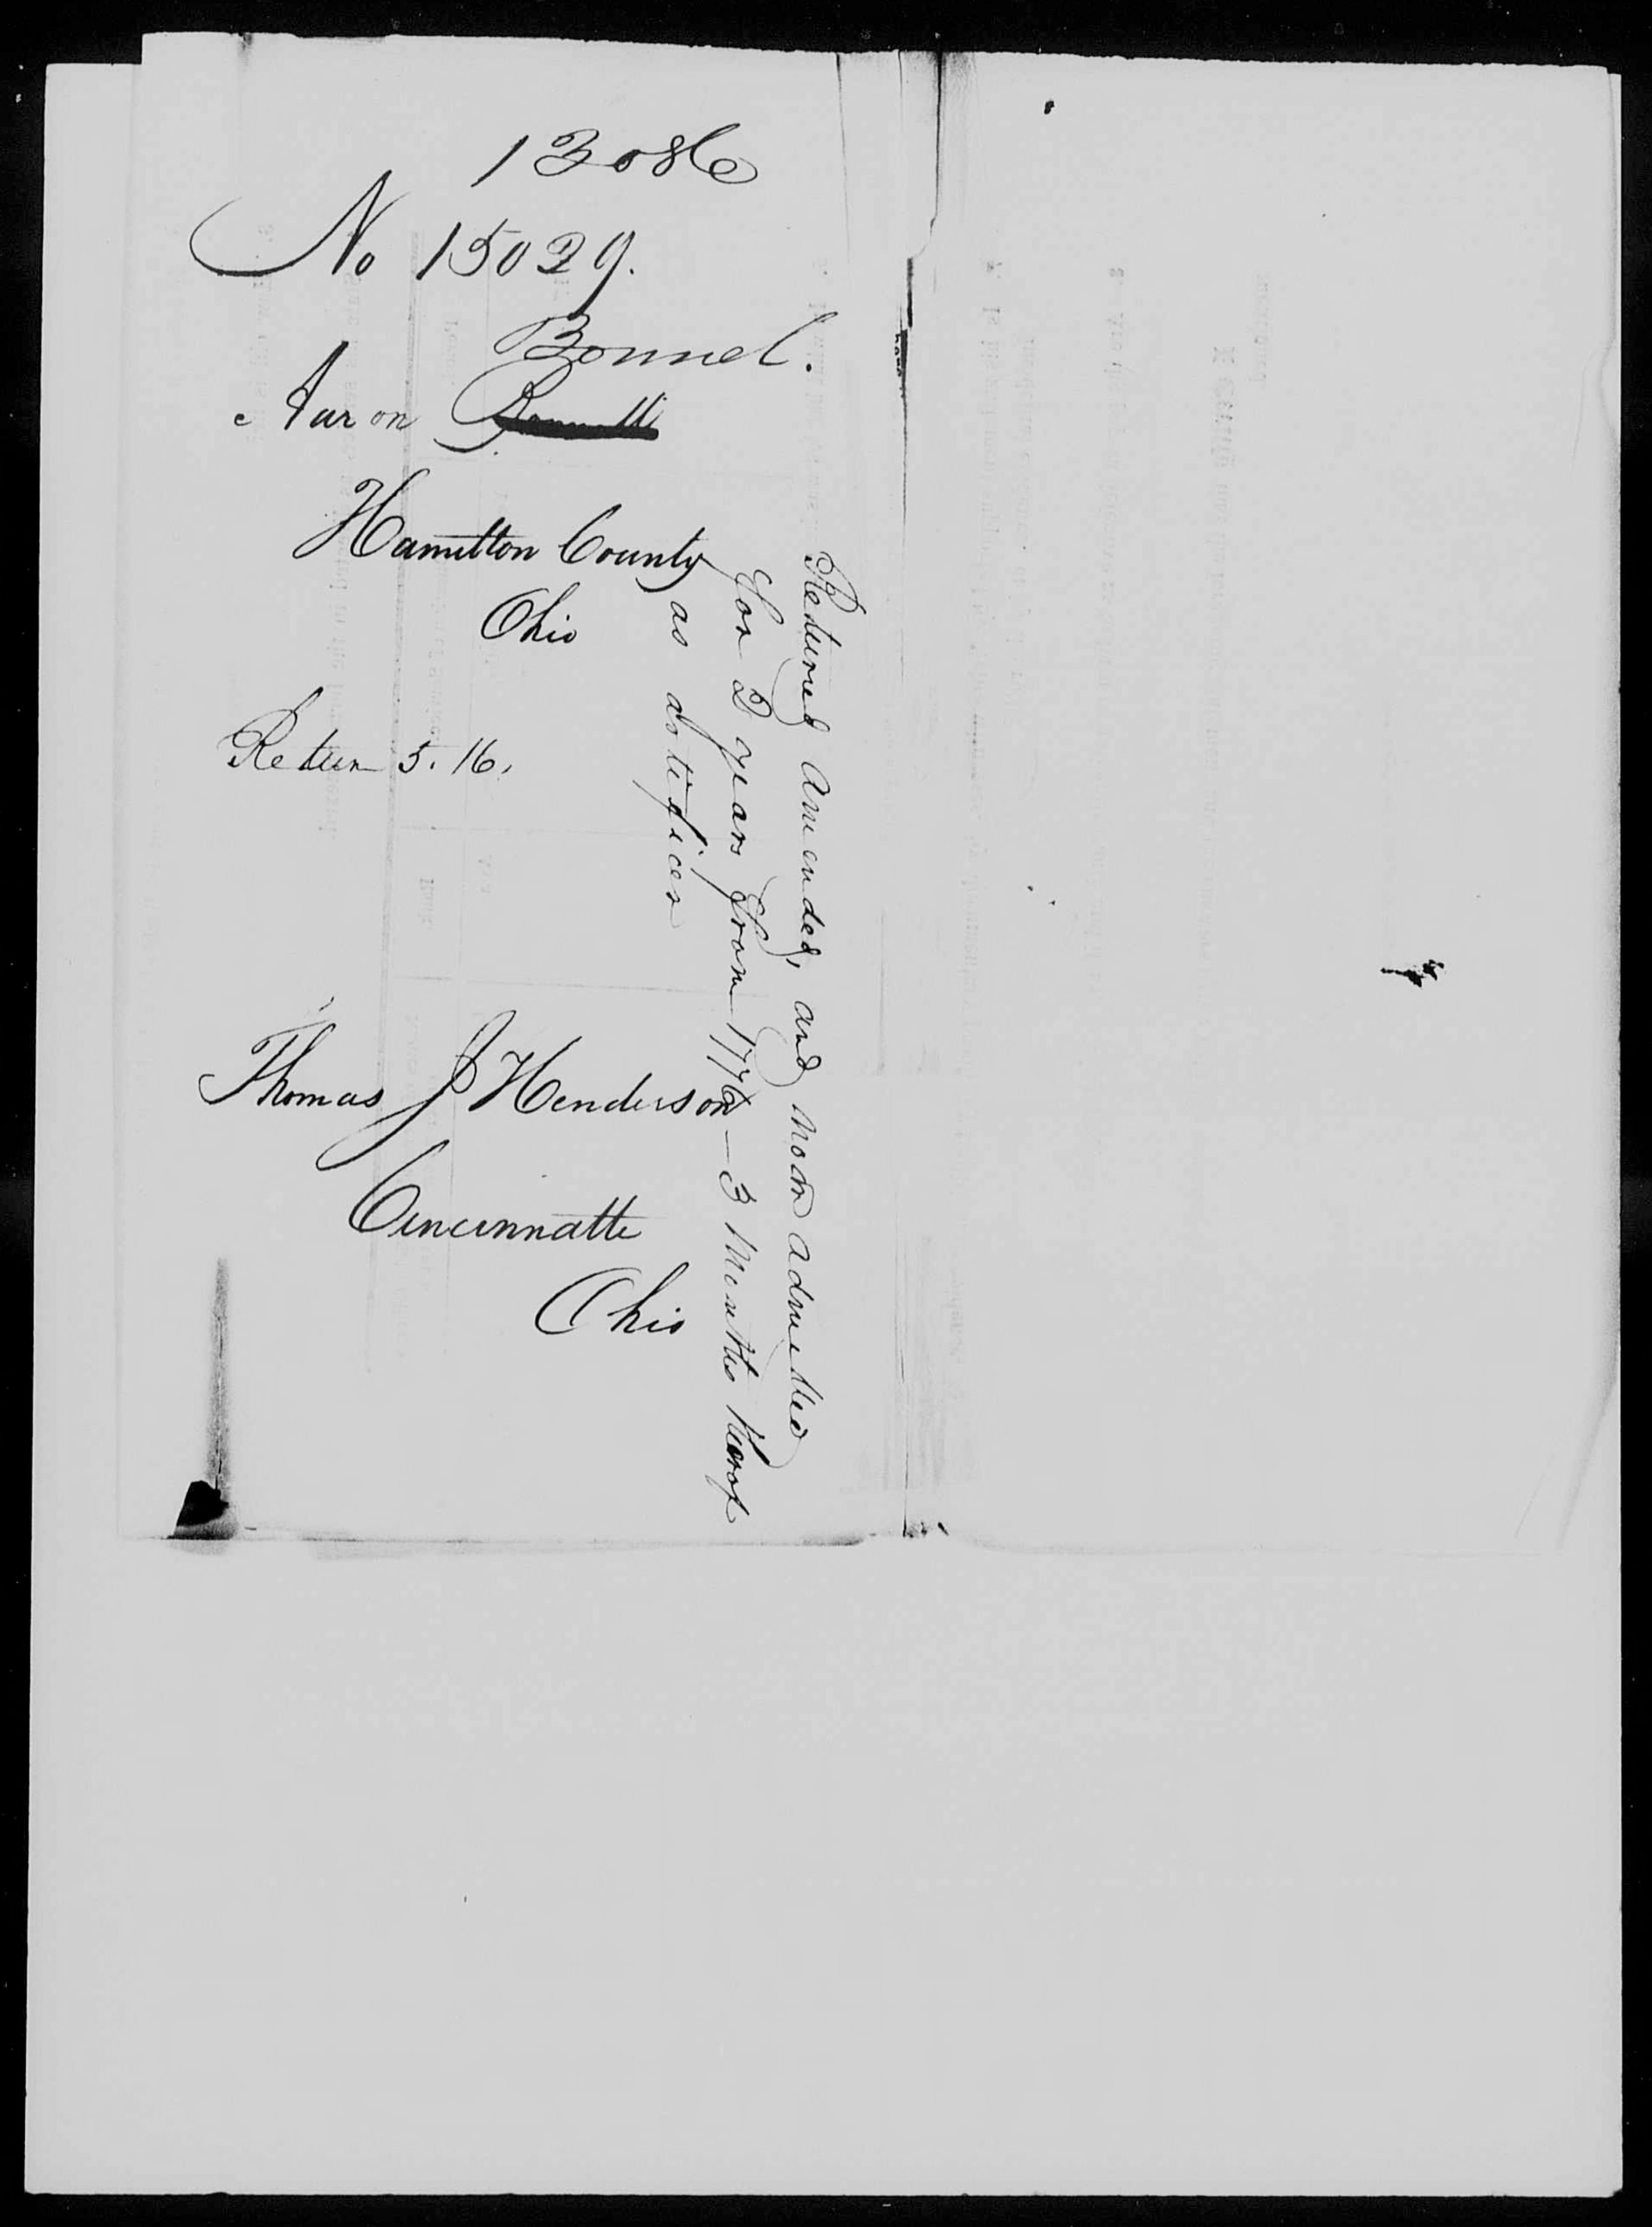13086
No 15029
Aaron Bonnel
Hamilton County Ohio
Return 5.16
Thomas J. Henderson
Cincinnati Ohio

Returned amended and now admitted for 2 years from 1776 - 3 months thereof as artificer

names: Aaron Bonnel, Thomas J Henderson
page: 7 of 67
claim: rejected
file: R. 1009, Aaron Bonnel, New Jersey